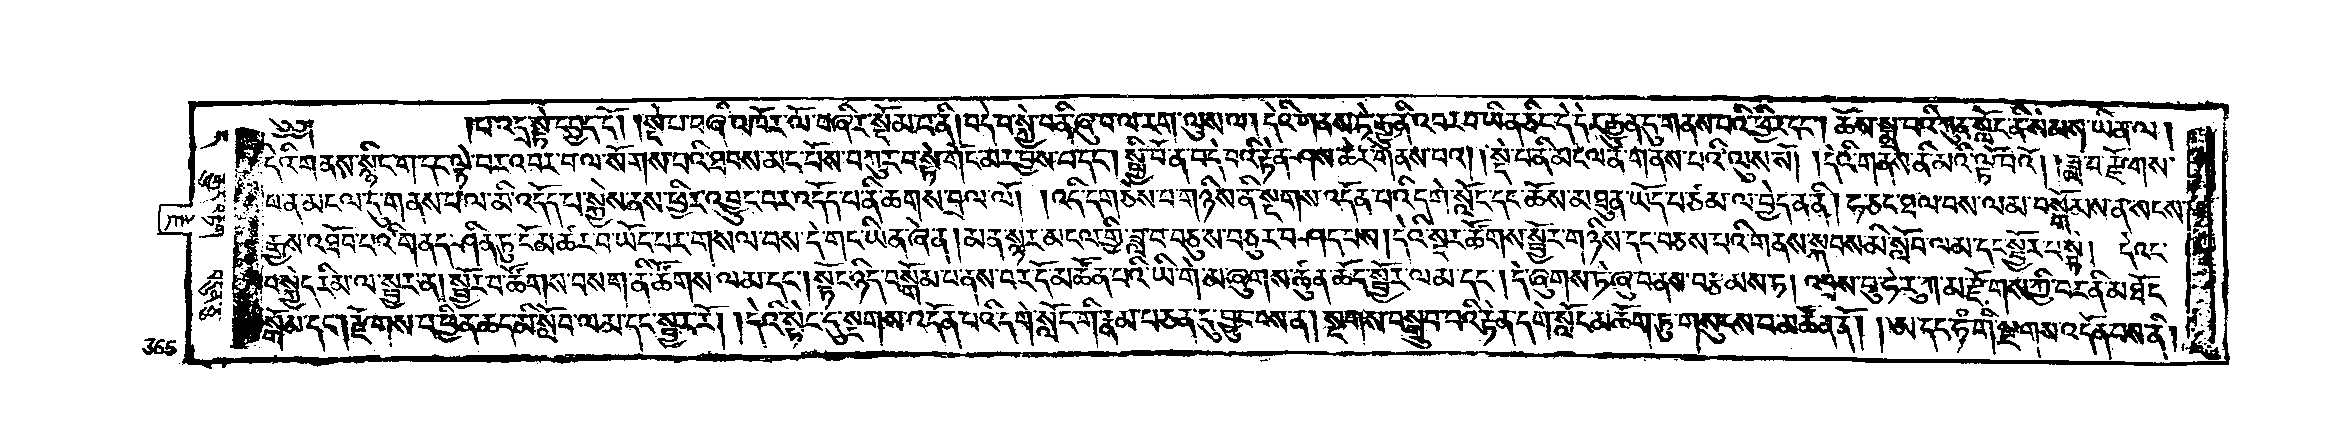༄༅། །པ་འདྲ་སྟེ་དཔྱད་དོ། །སྡེ་པ་བཞི་འཁོར་ལོ་བཞིར་སྡོམ་པ་ནི། བདེ་བ་སྐྱེ་བ་ནི་ཞུ་བ་ལ་རག་ལུས་ལ། དེའི་གནས་ཏེ་རྒྱུ་ནི་འབར་བ་ཡིན་ཅིང་དེ་དེར་རྒྱུན་དུ་གནས་པའི་ཕྱིར་དང་། ཆོས་སྨྲ་བའི་ཀུན་སློང་ནི་སེམས་ཡིན་ལ།
དེའི་གནས་སྙིང་ག་དང་ལྟེ་བར་འབར་བ་ལ་སོགས་པའི་ཐབས་མང་པོས་བཀུར་བ་སྟེ་གོང་མར་བྱས་པ་དང་། སྤྱི་བོ་ན་བདེ་བའི་རྟེན་ཤས་ཆེར་གནས་པའི། །སྡེ་པ་ནི་མངལ་ན་གནས་པའི་ལུས་སོ། །དེའི་གནས་ནི་མའི་ལྟོ་བའོ། །ཟླ་བ་རྫོགས་
པ་ན་མངལ་དུ་གནས་པ་ལ་མི་འདོད་པ་སྐྱེས་ནས་ཕྱིར་འབྱུང་བར་འདོད་པ་ནི་ཆགས་བྲལ་ལོ། །འདི་དག་ཅེས་པ་གཉིས་ནི་སྔགས་འདོན་པའི་དགེ་སློང་དང་ཆོས་མཐུན་ཡོད་པ་ཙམ་ལ་བྱེད་ན་ནི། ཧ་ཅང་ཐལ་བས་ལམ་བསྒོམས་ན་སངས་
རྒྱས་འཐོབ་པའི་གནད་ཤིན་ཏུ་ངོ་མཚར་བ་ཡོད་པར་གསལ་བས་དེ་གང་ཡིན་ཞེ་ན། མན་སྙར་མངལ་གྱི་ཟླ་བ་བཅུ་ས་བཅུར་བཤད་པས། དེའི་སྔར་ཚོགས་སྦྱོར་གཉིས་དང་བཅས་པའི་གནས་སྐབས་མི་སློབ་ལམ་དང་སྦྱོར་བ་སྟེ། དེའང་
བསྐྱེད་རིམ་ལ་སྦྱར་ན། སྦྱོར་བ་ཚོགས་བསག་ནི་ཚོགས་ལམ་དང་། སྟོང་ཉིད་བསྒོམ་པ་ནས་བར་དོ་མཚོན་པའི་ཡི་གེ་མ་ཞུགས་ཚུན་ཆོད་སྦྱོར་ལམ་དང་། དེ་ཞུགས་ཏེ་ཞུ་བ་ནས་བརྩམས་ཏེ། འབྲས་བུ་ཧེ་རུ་ཀ་མ་རྫོགས་ཀྱི་བར་ནི་མཐོང་
སྒོམ་དང་། རྫོགས་པ་ཕྱིན་ཆད་མི་སློབ་ལམ་དང་སྦྱར་རོ། །དེའི་སྟེང་དུ་སྔགས་འདོན་པའི་དགེ་སློང་གི་རྣམ་པ་ཅན་དུ་བྱུང་བས་ན། སྔགས་བསྒྲུབ་པའི་རྟེན་དགེ་སློང་མཆོག་ཏུ་གསུངས་པ་མཚོན་ནོ། །ཨ་དང་ཧཾ་གི་སྔགས་འདོན་པས་ནི།